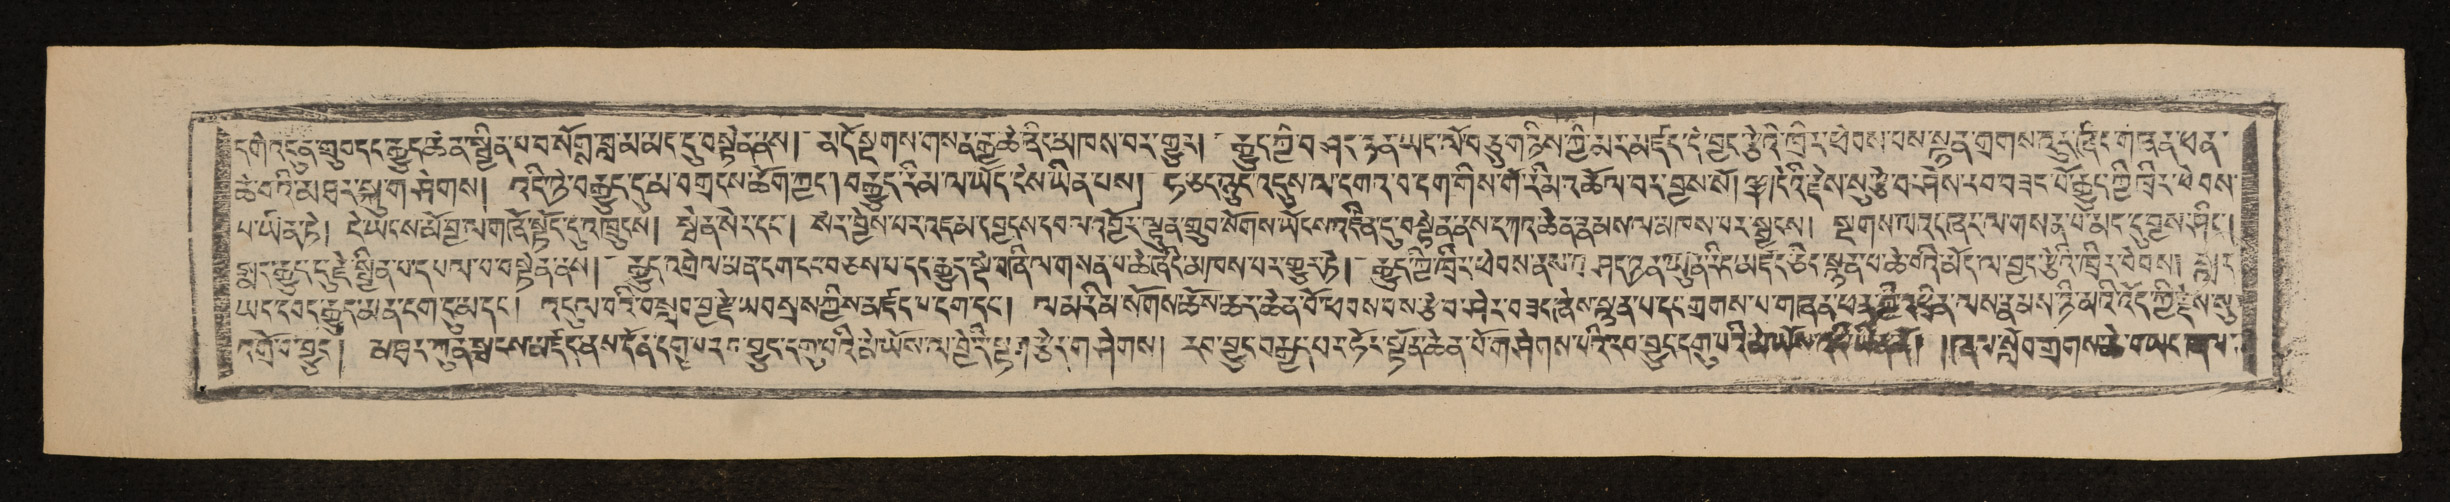དགེ་འདུན་གྲུབ་དང་རྒྱུད་ཆེན་སྦྱིན་པ་བ་སོགས་བླ་མ་མང་དུ་བསྟེན་ནས། མདོ་སྔགས་གསན་རྒྱ་ཆེ་ཞིང་མཁས་པར་གྱུར། རྒྱུད་ཀྱི་བཤད་ཉན་ཡང་ལོ་བཅུ་གཉིས་ཀྱི་བར་མཛད་དེ་བྱང་རྩེའི་ཁྲིར་ཕེབས་པས་སྙན་གྲགས་འུར་ཞིང་གཞན་ཕན་
ཆེ་བའི་མཐར་སྐུ་གཤེགས། འདི་ཉེ་བརྒྱུད་དུ་མ་བགྲངས་ཆོག་ཀྱང་། བརྒྱུད་རིམ་ལ་ཡོད་དེས་ཡིན་པས། ཧ་ཅང་ཉུང་འདུས་ལ་དགའ་བ་དག་གིས་གོ་རིམ་འཆོལ་བར་བྱས་སོ། ༈ །དེའི་རྗེས་སུ་རྩེ་བ་ཤེས་རབ་བཟང་པོ་རྒྱུད་ཀྱི་ཁྲིར་ཕེབས་
པ་ཡིན་ཏེ། དེ་ཡངས་མོ་བྱ་ལ་གཞོ་སྟོད་དུ་འཁྲུངས། སྤེན་སེར་དང་། སེར་བྱེས་པར་འཇམ་དབྱངས་དཔལ་འབྱོར་ལྷུན་གྲུབ་སོགས་ཡོངས་འཛིན་དུ་བསྟེན་ནས་དཀའ་ཆེན་རྣམས་ལ་མཁས་པར་སྦྱངས། སྔགས་ལའང་ཞར་ལ་གསན་པ་མང་དུ་བྱས་ཤིང་།
སྨད་རྒྱུད་དུ་རྗེ་སྦྱིན་པ་དཔལ་པ་བསྟེན་ནས། རྒྱུད་འགྲེལ་མན་ངག་དང་བཅས་པ་དང་རྒྱུད་སྡེ་བཞི་ལ་གསན་པ་ཆེ་ཞིང་མཁས་པར་གྱུར་ཏེ། རྒྱུད་ཀྱི་ཁྲིར་ཕེབས་ནས་བཤད་ཉན་ཡུན་རིང་མཛད་ཅིང་སྙན་པ་ཆེ་བའི་མོད་ལ་བྱང་རྩེའི་ཁྲིར་ཕེབས། སླར་
ཡང་དབང་རྒྱུད་མན་ངག་དུ་མ་དང་། འདུལ་བའི་བསླབ་བྱ་རྗེ་ཡབ་སྲས་ཀྱིས་མཛད་པ་དག་དང་། ལམ་རིམ་སོགས་ཆོས་ཆར་ཆེན་པོ་ཕབས་བས་རྩེ་བ་ཤེར་བཟང་ཞེས་སྙན་པ་དང་གྲགས་པ་གཞན་ཕན་གྱི་འཕྲིན་ལས་རྣམས་ཉི་མའི་འོད་ཀྱི་རྗེས་སུ་
འགོ་བ་བྱུང་། མཐར་ཀུན་སྤངས་མཛད་ནས་དོན་དགུ་པ་རབ་བྱུང་དགུ་པའི་མེ་ཡོས་ལ་བྱེ་རི་སྟག་རྩེར་གཤེགས། རབ་བྱུང་བརྒྱད་པར་ཧོར་སྟོན་ཆེན་པོ་གཤེགས་པའི་རབ་བྱུང་དགུ་པའི་མེ་ཡོས་འདི་ཡིན་ནོ། །ཞལ་སློབ་གྲགས་ཆེ་བ་ཡང་ཞལ་